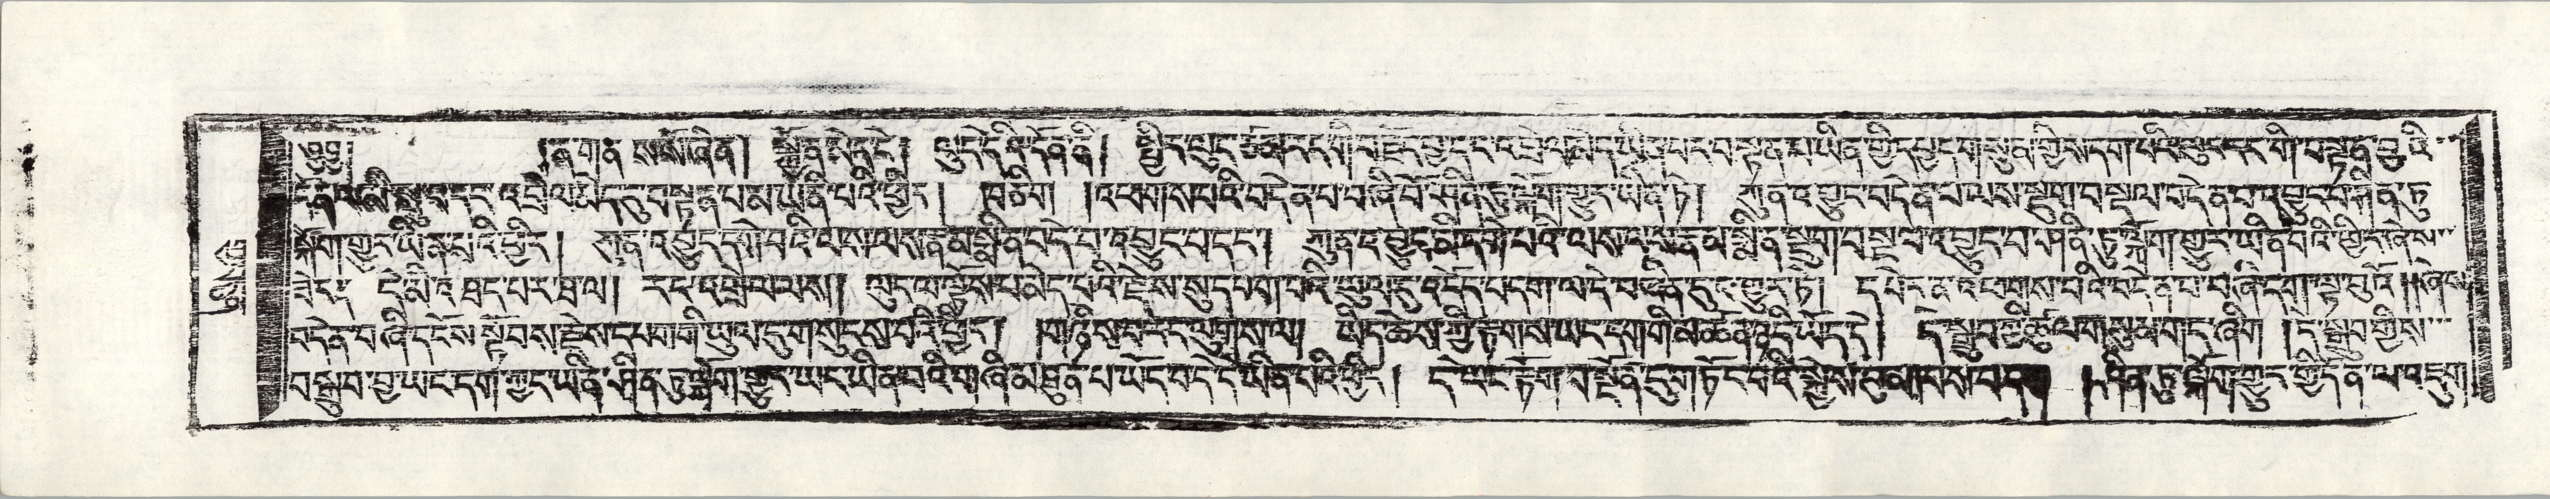༄༅། །ན་གནས་སོ་ཞེ་ན། སྐྱོན་མེད་དེ། ལུང་དེའི་དོན་ནི། སྤྱིར་ལུང་ཙམ་རང་གི་བརྗོད་བྱ་དང་འབྲེལ་མེད་ཡིན་པར་བསྟན་པ་ཡིན་གྱི་དཔྱད་གསུམ་གྱིས་དག་པའི་ལུང་རང་གི་བསྟན་བྱའི་
དོན་ལ་མི་སླུ་བ་དང་འབྲེལ་མེད་དུ་བསྟན་པ་མ་ཡིན་པའི་ཕྱིར། ཁ་ཅིག །འཕགས་པའི་བདེན་པ་བཞི་བོ་ཤིན་ཏུ་ལྐོག་གྱུར་ཡིན་ཏེ། ཀུན་འབྱུང་བདེན་པ་ལས་སྡུག་བསྔལ་བདེན་པ་འབྱུང་བ་ཤིན་ཏུ་
ལྐོག་གྱུར་ཡིན་པའི་ཕྱིར། ཀུན་འབྱུང་དགེ་བའི་ལས་ལས་རྣམ་སྨིན་བདེ་བ་འབྱུང་བ་དང་། ཀུན་འབྱུང་མི་དགེ་པའི་ལས་ལས་རྣམ་སྨིན་སྡུག་བསྔལ་འབྱུང་བ་ཤིན་ཏུ་ལྐོག་གྱུར་ཡིན་པའི་ཕྱིར་ཞེས་
ཟེར། དེ་མི་འཐད་པར་ཐལ། རང་འགྲེལ་ལས། ལུང་ལ་ལྟོས་པ་མེད་པའི་རྗེས་སུ་དཔག་པའི་ཡུལ་དུ་འདོད་པ་དག་ལ་དེ་བཞིན་དུ་འགྱུར་ཏེ། དཔེར་ན། འཕགས་པའི་བདེན་པ་བཞི་དག་ལྟ་བུའོ། །ཞེས་
བདེན་བཞི་དངོས་སྟོབས་རྗེས་དཔག་གི་ཡུལ་དུ་གསུངས་པའི་ཕྱིར། །གཉིས་པ་རང་ལུགས་ལ། ཡིད་ཆེས་ཀྱི་རྟགས་ཡང་དག་གི་མཚན་ཉིད་ཡོད་དེ། དེ་སྒྲུབ་ཀྱི་ཚུལ་གསུམ་གང་ཞིག །དེ་སྒྲུབ་ཀྱིས་
བསྒྲུབ་བྱ་ཡང་དག་ཀྱང་ཡིན་ཤིན་ཏུ་ལྐོག་གྱུར་ཡང་ཡིན་པའི་གཞི་མཐུན་པ་ཡོད་པ་དེ་དེ་ཡིན་པའི་ཕྱིར། དེ་ཡང་རྟོག་པ་སྔོན་དུ་གཏོང་བའི་སྐྱེས་བུ་མཁས་པ་དག་ཤིན་ཏུ་ལྐོག་གྱུར་གྱི་དོན་ལ་འཇུག་